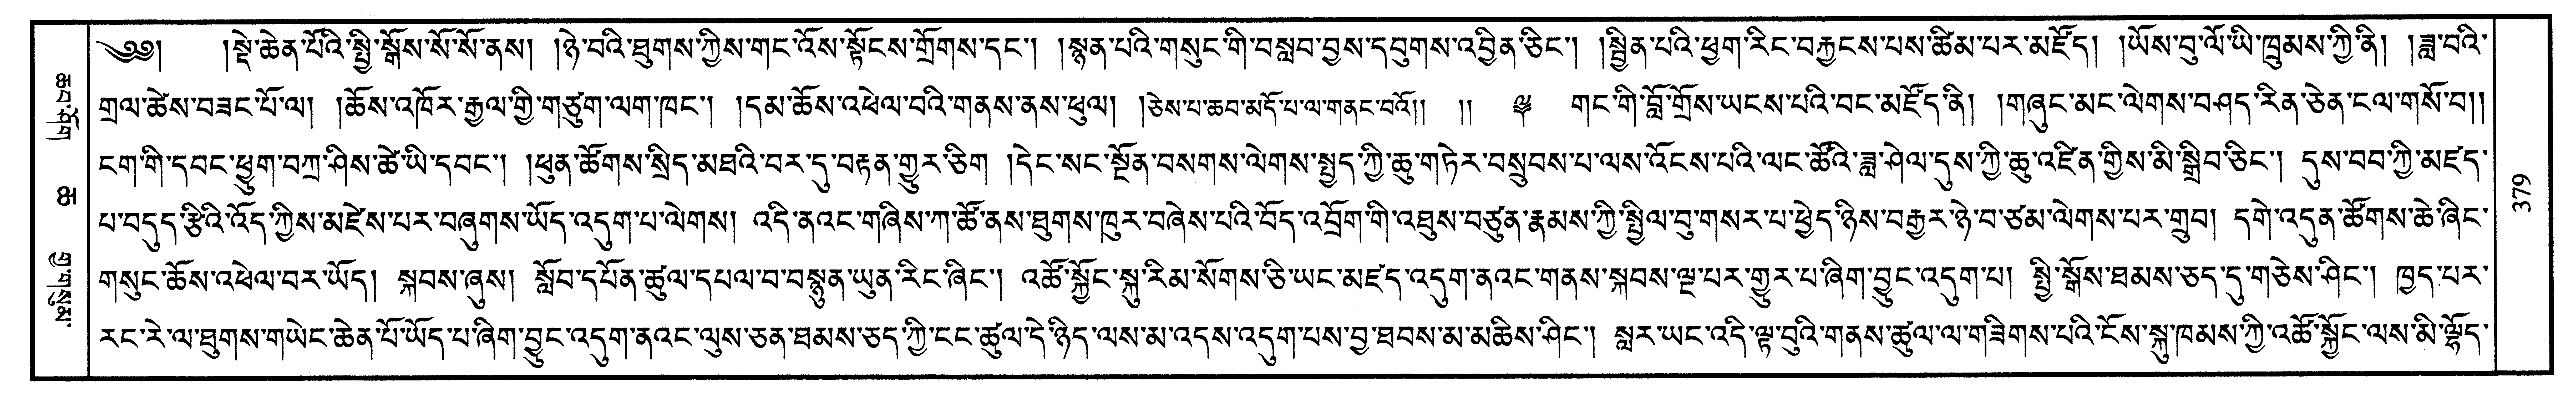༄༅། །སྡེ་ཆེན་པོའི་སྤྱི་སྒོས་སོ་སོ་ནས། །ཉེ་བའི་ཐུགས་ཀྱིས་གང་འོས་སྟོངས་གྲོགས་དང་། །སྙན་པའི་གསུང་གི་བསླབ་བྱས་དབུགས་འབྱིན་ཅིང་། །སྦྱིན་པའི་ཕྱག་རིང་བརྐྱངས་པས་ཚིམ་པར་མཛོད། །ཡོས་བུ་ལོ་ཡི་ཁྲུམས་ཀྱི་ནི། །ཟླ་བའི་
གྲལ་ཚེས་བཟང་པོ་ལ། །ཆོས་འཁོར་རྒྱལ་གྱི་གཙུག་ལག་ཁང་། །དམ་ཆོས་འཕེལ་བའི་གནས་ནས་ཕུལ། །ཅེས་པ་ཆབ་མདོ་པ་ལ་གནང་བའོ།། །། ༈ གང་གི་བློ་གྲོས་ཡངས་པའི་བང་མཛོད་ནི། །གཞུང་མང་ལེགས་བཤད་རིན་ཅེན་ངལ་གསོ་བ།།
ངག་གི་དབང་ཕྱུག་བཀྲ་ཤིས་ཚེ་ཡི་དབང་། །ཕུན་ཚོགས་སྲིད་མཐའི་བར་དུ་བརྟན་གྱུར་ཅིག །དེང་སང་སྔོན་བསགས་ལེགས་སྤྱད་ཀྱི་ཆུ་གཏེར་བསྲུབས་པ་ལས་འོངས་པའི་ལང་ཚོའི་ཟླ་ཤེལ་དུས་ཀྱི་ཆུ་འཛིན་གྱིས་མི་སྒྲིབ་ཅིང་། དུས་བབ་ཀྱི་མཛད་
པ་བདུད་རྩིའི་འོད་ཀྱིས་མཛེས་པར་བཞུགས་ཡོད་འདུག་པ་ལེགས། འདི་ནའང་གཞིས་ཀ་ཚོ་ནས་ཐུགས་ཁུར་བཞེས་པའི་བོད་འབྲོག་གི་འཐུས་བཙུན་རྣམས་ཀྱི་སྤྱིལ་བུ་གསར་པ་ཕྱེད་ཉིས་བརྒྱར་ཉེ་བ་ཙམ་ལེགས་པར་གྲུབ། དགེ་འདུན་ཚོགས་ཆེ་ཞིང་
གསུང་ཆོས་འཕེལ་བར་ཡོད། སྐབས་ཞུས། །སློབ་དཔོན་ཚུལ་དཔལ་བ་བསྙུན་ཡུན་རིང་ཞིང་། འཚོ་སྐྱོང་སྐུ་རིམ་སོགས་ཅི་ཡང་མཛད་འདུག་ནའང་གནས་སྐབས་ལྔ་པར་གྱུར་པ་ཞིག་བྱུང་འདུག་པ། སྤྱི་སྒོས་ཐམས་ཅད་དུ་གཅེས་ཤིང་། ཁྱད་པར་
རང་རེ་ལ་ཐུགས་གཡེང་ཆེན་པོ་ཡོད་པ་ཞིག་བྱུང་འདུག་ནའང་ལུས་ཅན་ཐམས་ཅད་ཀྱི་ངང་ཚུལ་དེ་ཉིད་ལས་མ་འདས་འདུག་པས་བྱ་ཐབས་མ་མཆིས་ཤིང་། སླར་ཡང་འདི་ལྟ་བུའི་གནས་ཚུལ་ལ་གཟིགས་པའི་ངོས་སྐུ་ཁམས་ཀྱི་འཚོ་སྐྱོང་ལས་མི་ལྷོད་